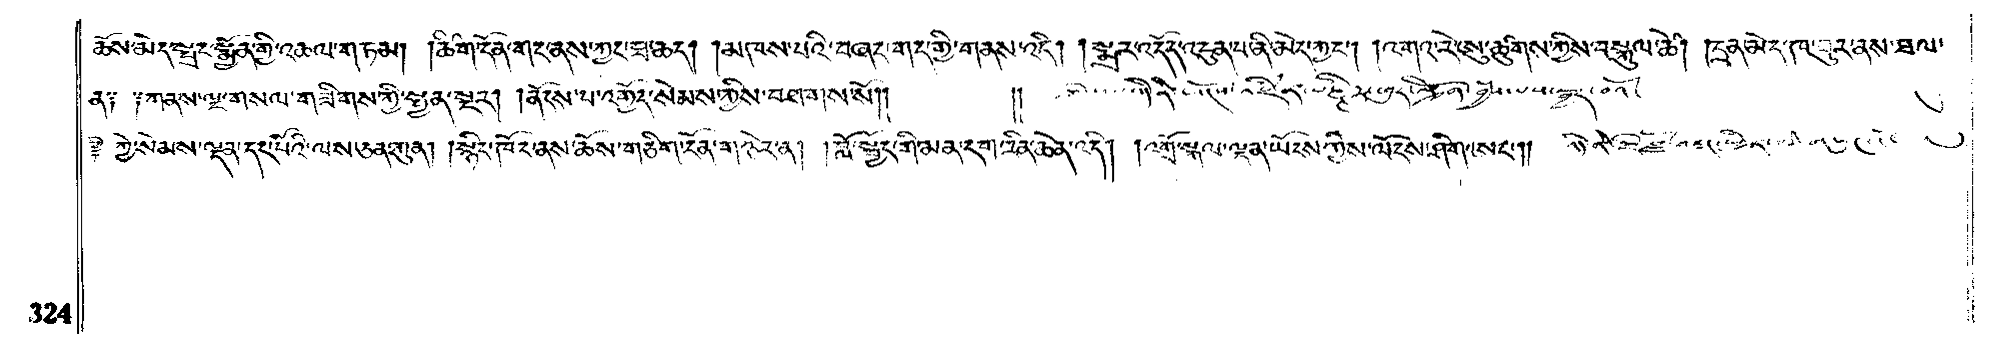ཆོས་མེད་སྤྲང་སྨྱོན་གྱི་འཆལ་གཏམ། །ཚིག་དོན་གང་ནས་ཀྱང་ཐ་ཆད། །མཁས་པའི་བཞད་གང་གྱི་གནས་འདི། །སྨྲར་འདོད་འདུན་པ་ནི་མེད་ཀྱང་། །འགའ་རེ་ཨུ་ཚུགས་ཀྱིས་བསྐུལ་ཚེ། །དྲན་མེད་ཁ་ཟུར་ནས་ཐལ་
ན༑ ༑གནས་ལྔ་གསལ་གཟིགས་ཀྱི་སྤྱན་སྔར། །ནོངས་པ་འགྱོད་སེམས་ཀྱིས་བཤགས་སོ།། །། ??་ཅེས་པ་འདི་ནི་ཡོངས་འཛིན་པཎྜི་ཏ་ཕུར་ལྕོག?་བྱོས་པས་སྦྱར་བའོ།
༈ ཀྱེ་སེམས་ལྡན་དང་པོའི་ལས་ཅན་ཀུན། །སྙིང་ཁོང་ནས་ཆོས་གཅིག་དོན་གཉེར་ན། །བློ་སྦྱོང་གི་མན་ངག་རིན་ཆེན་འདི། །འགྲོ་སྐལ་ལྡན་ཡོངས་ཀྱིས་ལོངས་ཤིག་ཨང།། འདི་ནི་རྗེ?་བློ་བཟང་སྤྱིན་པའི་གསུངས་ངོ?།